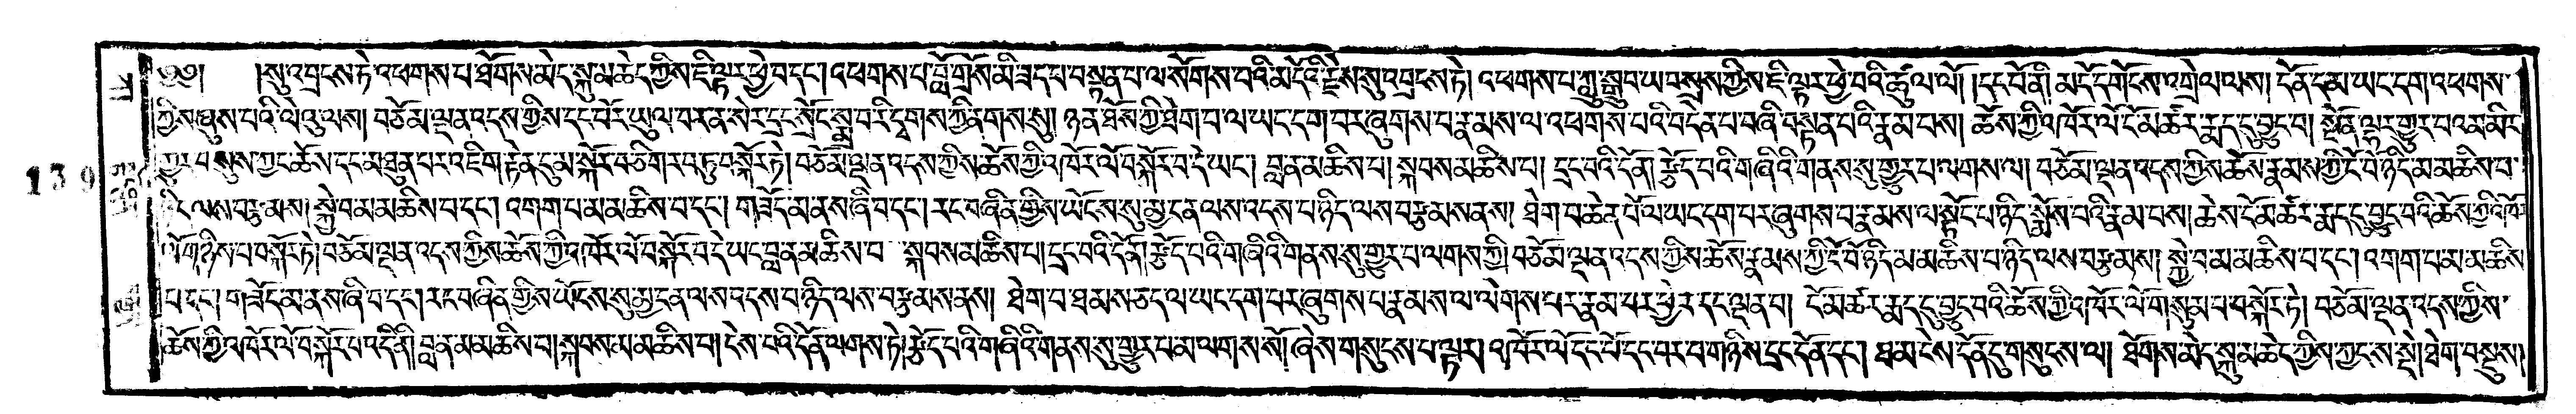༄༅། །སུ་འབྲངས་ཏེ་འཕགས་པ་ཐོགས་མེད་སྐུ་མཆེད་ཀྱིས་ཇི་ལྟར་ཕྱེ་བ་དང་། འཕགས་པ་བློ་གྲོས་མི་ཟད་པ་བསྟན་པ་ལ་སོགས་པའི་མདོའི་རྗེས་སུ་འབྲངས་ཏེ། འཕགས་པ་ཀླུ་སྒྲུབ་ཡབ་སྲས་ཀྱིས་ཇི་ལྟར་ཕྱེ་བའི་ཚུལ་ལོ། །དང་པོ་ནི། མདོ་དགོངས་འགྲེལ་ལས། དོན་དམ་ཡང་དག་འཕགས་
ཀྱིས་ཞུས་པའི་ལེའུ་ལས། བཅོམ་ལྡན་འདས་གྱིས་དང་བོར་ཡུལ་བར་ན་སེར་དྲང་སྲོང་སྨྲ་བ་རི་དྭགས་ཀྱི་ནགས་སུ། ཉན་ཐོས་ཀྱི་ཐེག་བ་ལ་ཡང་དག་བར་ཞུགས་པ་རྣམས་ལ་འཕགས་པའི་བདེན་པ་བཞི་བསྟན་པའི་རྣམ་པས། ཆོས་ཀྱི་འཁོར་ལོ་ངོ་མཚར་རྨད་དུ་བྱུང་བ། སྔོན་ལྷར་གྱུར་པའམ་མིང་
གྱུར་བསུས་ཀྱང་ཆོས་དང་མཐུན་པར་འཇིག་རྟེན་དུ་མ་སྐོར་བ་ཅིག་རབ་ཏུ་བསྐོར་ཏེ། བཅོམ་ལྡན་འདས་ཀྱིས་ཆོས་ཀྱི་འཁོར་ལོ་བསྐོར་བ་དེ་ཡང་། བླ་ན་མཆིས་པ། སྐབས་མཆིས་པ། དྲང་བའི་དོན། རྩོད་བའི་གཞིའི་གནས་སུ་གྱུར་པ་ལགས་ལ། བཅོམ་ལྡན་འདས་ཀྱིས་ཆོས་རྣམས་ཀྱི་ངོ་བོ་ཉིད་མ་མཆིས་པ་
ཉིད་ལས་བརྩམས། སྐྱེ་བ་མ་མཆིས་བ་དང་། འགག་པ་མ་མཆིས་བ་དང་། གཟོད་མ་ནས་ཞི་བ་དང་། རང་བཞིན་གྱིས་ཡོངས་སུ་མྱ་ངན་ལས་འདས་པ་ཉིད་ལས་བརྩམས་ནས། ཐེག་བ་ཆེན་པོ་ལ་ཡང་དག་པར་ཞུགས་པ་རྣམས་ལ་སྟོང་པ་ཉིད་སྨོས་པའི་རྣམ་བས། ཆེས་ངོ་མཚར་རྨད་དུ་བྱུང་བའི་ཆོས་ཀྱི་འཁོར་
ལོ་གཉིས་པ་བསྐོར་ཏེ། བཅོམ་ལྡན་འདས་ཀྱིས་ཆོས་ཀྱི་འཁོར་ལོ་བསྐོར་བ་དེ་ཡང་བླ་ན་མཆིས་བ་སྐབས་མཆིས་པ། དྲང་བའི་དོན། རྩོད་བའི་གཞིའི་གནས་སུ་གྱུར་པ་ལགས་ཀྱི། བཅོམ་ལྡན་འདས་ཀྱིས་ཆོས་རྣམས་ཀྱི་ངོ་བོ་ཉིད་མ་མཆིས་པ་ཉིད་ལས་བརྩམས། སྐྱེ་བ་མ་མཆིས་པ་དང་། འགག་པ་མ་མཆིས་
བ་དང་། གཟོད་མ་ནས་ཞི་བ་དང་། རང་བཞིན་གྱིས་ཡོངས་སུ་མྱ་ངན་ལས་འདས་བ་ཉིད་ལས་བརྩམས་ནས། ཐེག་བ་ཐམས་ཅད་ལ་ཡང་དག་བར་ཞུགས་པ་རྣམས་ལ་ལེགས་པར་རྣམ་པར་ཕྱིར་དང་ལྡན་བ། ངོ་མཚར་རྨད་དུ་བྱུང་བའི་ཆོས་ཀྱི་འཁོར་ལོ་གསུམ་པ་བསྐོར་ཏེ། བཅོམ་ལྡན་འདས་ཀྱིས་
ཆོས་ཀྱི་འཁོར་ལོ་བསྐོར་བ་འདི་ནི། བླ་ན་མ་མཆིས་བ། སྐབས་མ་མཆིས་པ། ངེས་པའི་དོན་ལགས་ཏེ། རྩོད་པའི་གཞིའི་གནས་སུ་གྱུར་པ་མ་ལགས་སོ། ཞེས་གསུངས་པ་ལྟར། འཁོར་ལོ་དང་པོ་དང་བར་བ་གཉིས་དྲང་དོན་དང་། ཐ་མ་ངེས་དོན་དུ་གསུངས་ལ། ཐོགས་མེད་སྐུ་མཆེད་ཀྱིས་ཀྱང་ས་སྡེ། ཐེག་བསྡུས།